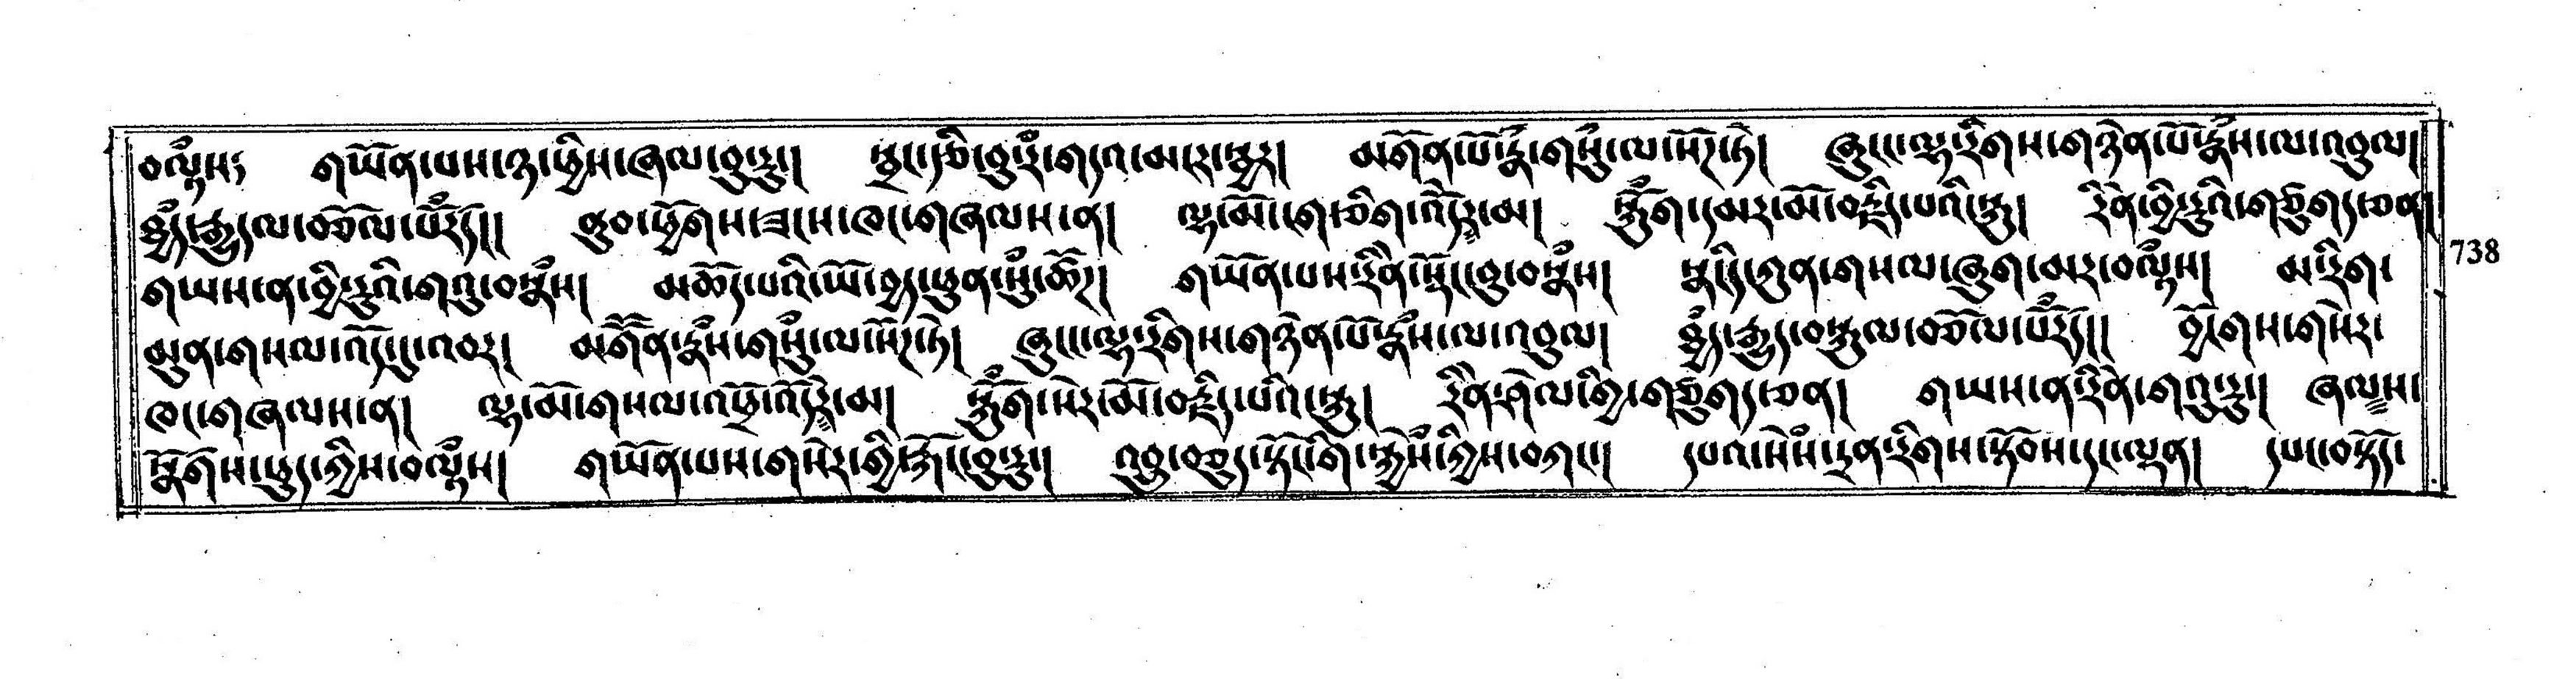བལྟམས། གཡོན་པས་ཉ་ཕྱིས་ཞལ་བུ་རུ། སྦྲང་རྩི་བུ་རཾ་གདའ་མངར་སྦྱར། མགོན་པོ་རྣམ་གསུམ་ལ་སོགས་ཏེ། ཞང་ཞུང་ལྷ་རིགས་གཉེན་པོ་རྣམས་ལ་འབུལ། 
ཐུགས་དམ་རྒྱུད་བསྐུལ་བཅོལ་པར་མཛོད།། ནུབ་ཕྱོགས་ཟངས་ཁང་གཞལ་ཡས་ན། ལྷ་མོ་ངག་ཅིག་འོད་ཟེར་མ། སྐུ་མདོག་དམར་མོ་བརྗིད་པའི་སྐུ། རིན་ཆེན་བྱི་རུའི་གཙུག་ཕུད་ཅན། 
གཡས་ན་བྱི་རུའི་གའུ་བསྣམས། མཆོད་པའི་ཡོ་བྱད་ཕུན་སུམ་ཚོགས། གཡོན་པས་རིན་ཆེན་སྡོང་བུ་བསྣམས། སྣང་སྲིད་ཀུན་གསལ་ཞུག་མར་བལྟམས། མ་རིག་
མུན་གསལ་འོད་དུ་འབར། མགོན་པོ་རྣམ་གསུམ་ལ་སོགས་ཏེ། ཞང་ཞུང་ལྷ་རིགས་གཉེན་པོ་རྣམས་ལ་འབུལ། ཐུགས་དམ་རྒྱུད་བསྐུལ་བཅོལ་པར་མཛོད།། བྱང་ཕྱོགས་གསེར་
ཁང་གཞལ་ཡས་ན། ལྷ་མོ་གསལ་འཕྲོ་འོད་ཟེར་མ། སྐུ་མདོག་སེར་མོ་བརྗིད་པའི་སྐུ། རིན་ཆེན་ཤེལ་གྱི་གཙུག་ཕུད་ཅན། གཡས་ན་རིན་ཆེན་གའུ་རུ། ཞལ་ཟས་
སྣ་ཚོགས་ཕུད་ཀྱིས་བལྟམས། གཡོན་པས་གསེར་གྱི་རྐོང་བུ་རུ། འབྲུ་བཅུད་སྟོང་གི་སྐྱེམས་ཀྱིས་བཀང་། དཔའ་སེམས་དྲན་རིགས་སྟོབས་དང་ལྡན། དཔང་བསྟོད་